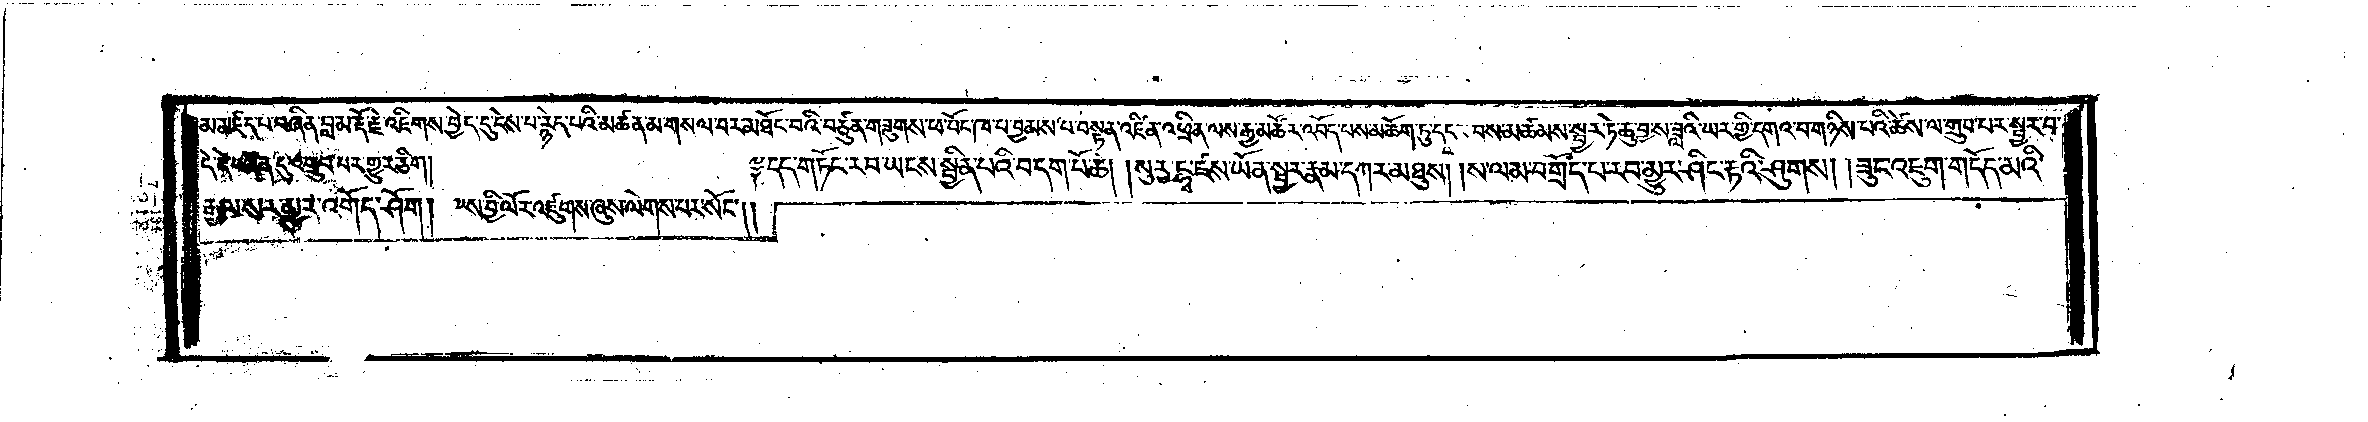མ་མཛད་པ་བཞིན་བླ་མ་རྡོ་རྗེ་འཇིགས་བྱེད་དུ་ངེས་པ་རྙེད་པའི་མཚན་མ་གསལ་བར་མཐའ་བཙུན་གཟུགས་ཕ་བོང་ཁ་པ་བྱམས་པ་བསྟན་འཛིན་འཕྲིན་ལས་རྒྱ་མཚོར་འབོད་པས་མཆོག་ཏུ་དང་བས་མཚམས་སྦྱར་ཏེ་ཆུ་བྱས་ཟླའི་ཡར་གྱི་དགའ་བ་གཉིས་པའི་ཚེས་ལ་གྲུབ་པར་སྦྱར་བ་
དེ་དེ་བཞིན་དུ་འགྲུབ་པར་གྱུར་ཅིག། ༈ དད་གཏོང་རབ་ཡངས་སྦྱིན་པའི་བདག་པོ་ཆེ། །སུརྱ་དྷྭ་ཛས་ཡོན་སྦྱར་རྣམ་དཀར་མཐུས། །ས་ལམ་བགྲོད་པ་རབ་མྱུར་ཤིང་རྟའི་ཤུགས། །ཟུང་འཇུག་གདོད་མའི་
རྒྱལ་སར་མྱུར་འགོད་ཤོག ། ལས་བྱི་ལོར་འཛུགས་ཞུས་ལེགས་པར་སོང་། །